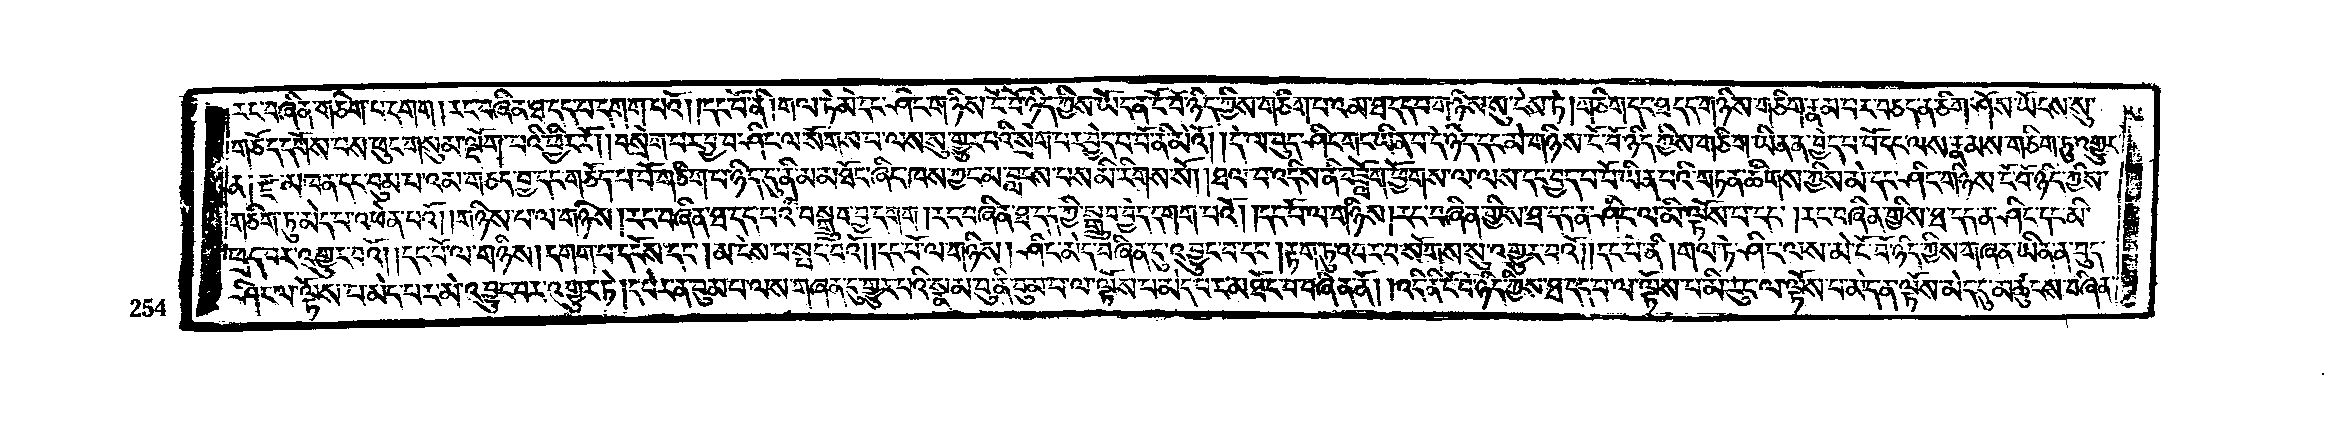རང་བཞིན་གཅིག་པ་དགག །རང་བཞིན་ཐ་དད་པ་དགག་པའོ། །དང་པོ་ནི། གལ་ཏེ་མེ་དང་ཤིང་གཉིས་ངོ་བོ་ཉིད་ཀྱིས་ཡོད་ན་ངོ་བོ་ཉིད་ཀྱིས་གཅིག་པའམ་ཐ་དད་པ་གཉིས་སུ་ངེས་ཏེ། གཅིག་དང་ཐ་དད་གཉིས་གཅིག་རྣམ་པར་བཅད་ན་ཅིག་ཤོས་ཡོངས་སུ་
གཅོད་དགོས་པས་ཕུང་གསུམ་ལྡོག་པའི་ཕྱིར་རོ། །བསྲེག་པར་བྱ་བ་ཤིང་ལ་སོགས་པ་ལས་སུ་གྱུར་པའི་སྲེག་པར་བྱེད་པ་པོ་ནི་མེའོ། །དེ་ལ་བུད་ཤིང་གང་ཡིན་པ་དེ་ཉིད་དང་མེ་གཉིས་ངོ་བོ་ཉིད་ཀྱིས་གཅིག་ཡིན་ན་བྱེད་པ་པོ་དང་ལས་རྣམས་གཅིག་ཏུ་འགྱུར་
ན། རྫ་མཁན་དང་བུམ་པའམ་གཅད་བྱ་དང་གཅོད་པ་པོ་གཅིག་པ་ཉིད་དུ་ནི་མ་མཐོང་ཞིང་ཁས་ཀྱང་མ་བླངས་པས་མི་རིགས་ས། ཐལ་བ་འདིས་ནི་བཟློག་ཕྱོགས་ལ་ལས་དང་བྱེད་པ་པོ་ཡིན་པའི་གཏན་ཚིགས་ཀྱིས་མེ་དང་ཤིང་གཉིས་ངོ་བོ་ཉིད་ཀྱིས་
གཅིག་ཏུ་མེད་པ་འཕེན་པའོ། །གཉིས་པ་ལ་གཉིས། རང་བཞིན་ཐ་དད་པའི་བསྒྲུབ་བྱ་དགག །རང་བཞིན་ཐ་དད་ཀྱི་སྒྲུབ་བྱེད་དགག་པའོ། །དང་པོ་ལ་གཉིས། རང་བཞིན་གྱིས་ཐ་དད་ན་ཤིང་ལ་མི་ལྟོས་པ་དང་། རང་བཞིན་གྱིས་ཐ་དད་ན་ཤིང་དང་མི་
ཕྲད་པར་འགྱུར་བའོ། །དང་པོ་ལ་གཉིས། དགག་པ་དངོས་དང་། མ་ངེས་པ་སྤང་བའོ། །དང་པོ་ལ་གཉིས། ཤིང་མེད་བཞིན་དུ་འབྱུང་བ་དང་། རྟག་ཏུ་འབར་བ་སོགས་སུ་འགྱུར་བའོ། །དང་པོ་ནི། གལ་ཏེ་ཤིང་ལས་མེ་ངོ་བོ་ཉིད་ཀྱིས་གཞན་ཡིན་ན་བུད་
ཤིང་ལ་ལྟོས་པ་མེད་པར་མེ་འབྱུང་བར་འགྱུར་ཏེ། དཔེར་ན་བུམ་པ་ལས་གཞན་དུ་གྱུར་པའི་སྣམ་བུ་ནི་བུམ་པ་ལ་ལྟོས་པ་མེད་པར་མཐོང་བ་བཞིན་ནོ། །འདི་ནི་ངོ་བོ་ཉིད་ཀྱིས་ཐ་དད་པ་ལ་ལྟོས་པ་མི་རུང་ལ་ལྟོས་པ་མེད་ན་ལྟོས་མེད་དུ་མཚུངས་བཞིན་